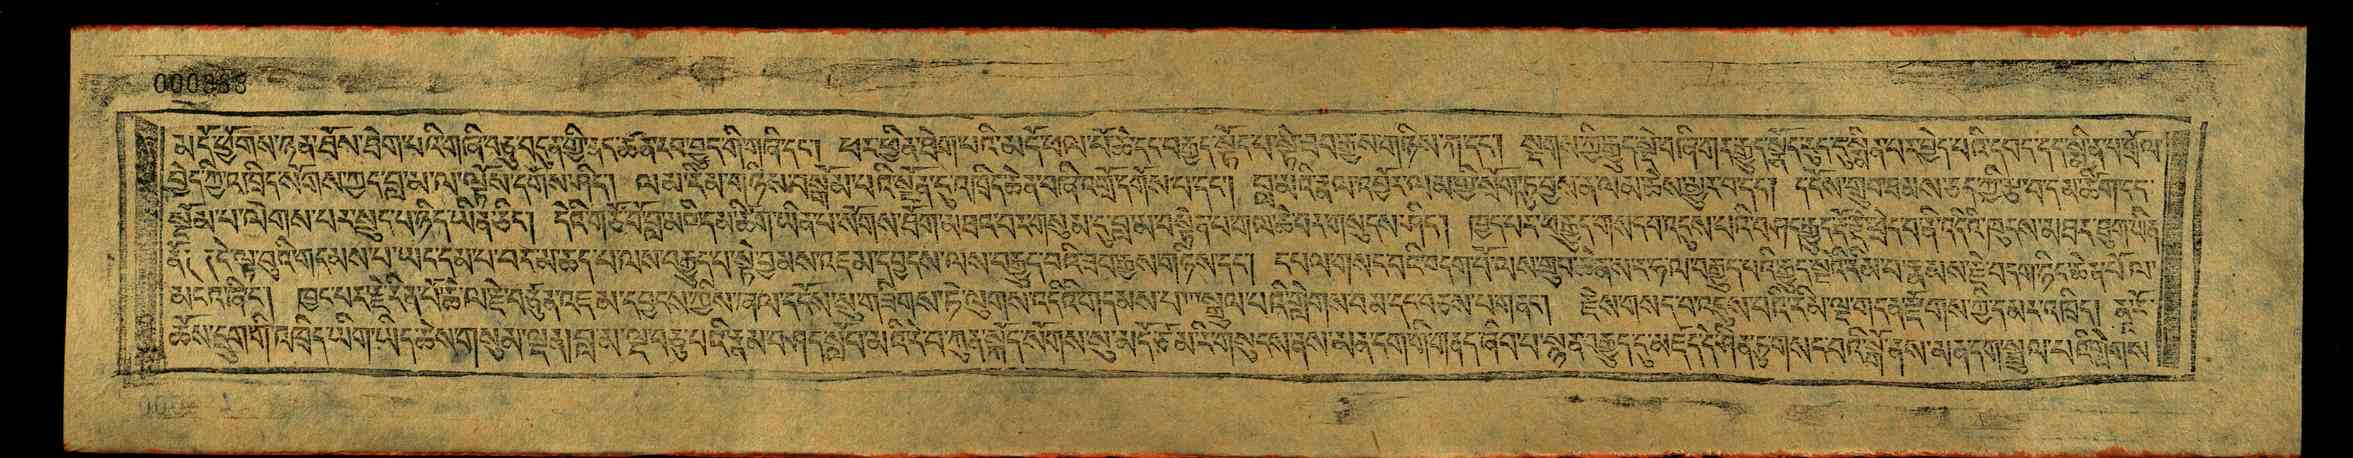མདོ་ཕྱོགས་ཉན་ཐོས་ཐེག་པའི་གཞི་བཅུ་བདུན་གྱི་ནང་ཚན་རབ་བྱུང་གི་གཞི་དང་། ཕར་ཕྱིན་ཐེག་པའི་མདོ་ཕལ་པོ་ཆེ་དང་བརྒྱད་སྟོང་པ་སྟེ་ཟབ་རྒྱས་གཉིས་ཀ་དང་། སྔགས་ཀྱི་རྒྱུད་སྡེ་བཞི་གར་རྒྱུད་སྣོད་རུང་དུ་སྨིན་པར་བྱེད་པའི་དབང་དང་སྨིན་པ་གྲོལ་
བྱེད་ཀྱི་འཁྲིད་སོགས་ཀྱང་བླ་མ་ལ་ལྟོས་དགོས་ཤིང་། ལམ་རིམ་གཉིས་བསྒོམ་པའི་སྔོན་དུ་འཁྲིད་ཆེན་བཞི་འགྲོ་དགོས་པ་དང་། བླ་མའི་རྣལ་འབྱོར་ལམ་གྱི་སྲོག་ཏུ་བྱས་ན་ལམ་ཆེས་མྱུར་བ་དང་། དངོས་གྲུབ་ཐམས་ཅད་ཀྱི་རྩ་བ་དམ་ཚིག་དང་
སྡོམ་པ་ལེགས་པར་སྲུང་བ་ཉིད་ཡིན་ཅིང་། དེའི་གཙོ་བོ་བླ་མའི་དམ་ཚིག་ཡིན་པ་སོགས་ཐོག་མཐའ་བར་གསུམ་དུ་བླ་མ་བསྟེན་པ་གལ་ཆེ་བར་གསུངས་ཤིང་། ཁྱད་པར་ཕ་རྒྱུད་གསང་བ་འདུས་པའི་བཤད་རྒྱུད་རྡོ་རྗེ་ཕྲེང་བ་ནི་འདིའི་ཁུངས་མཐར་ཐུག་ཡིན་
ནོ༑ ༑དེ་ལྟ་བུའི་གདམས་པ་ཡང་དམ་པ་བར་མ་ཆད་པ་ལས་བརྒྱུད་པ་སྟེ་བྱམས་འཇམ་དབྱངས་ལས་བརྒྱུད་པའི་ཟབ་རྒྱས་གཉིས་དང་། དཔལ་གསང་བའི་བདག་པོ་ལས་གྲུབ་ཆེན་ས་ར་ཧ་ལ་བརྒྱུད་པའི་རྒྱུད་སྡེའི་རིམ་པ་རྣམས་རྗེ་བདག་ཉིད་ཆེན་པོ་ལ་
མངའ་ཞིང་། ཁྱད་པར་རྗེ་རིན་པོ་ཆེ་ལ་རྗེ་བཙུན་འཇམ་དབྱངས་ཀྱིས་ཞལ་དངོས་སུ་གཟིགས་ཏེ་ལུགས་འདིའི་གདམས་པ་སྤྲུལ་པའི་གླེགས་བམ་དང་བཅས་པ་གནང་། རྗེས་གསང་བ་འདུས་པའི་རིམ་ལྔ་གདན་རྫོགས་ཀྱི་དམར་འཁྲིད། ནཱ་རོ་
ཆོས་དྲུག་གི་འཁྲིད་ཡིག་ཡིད་ཆེས་གསུམ་ལྡན། བླ་མ་ལྔ་བཅུ་པའི་རྣམ་བཤད་སློབ་མའི་རེ་བ་ཀུན་སྐོང་སོགས་སུ་མདོ་ཙམ་རེ་གསུངས་ནས་མན་ངག་གི་གནད་ཞིབ་པ་སྙན་བརྒྱུད་དུ་མཛད་དེ་ཤིན་ཏུ་གསང་བའི་སྒོ་ནས་མན་ངག་སྤྲུལ་པའི་གླེགས་